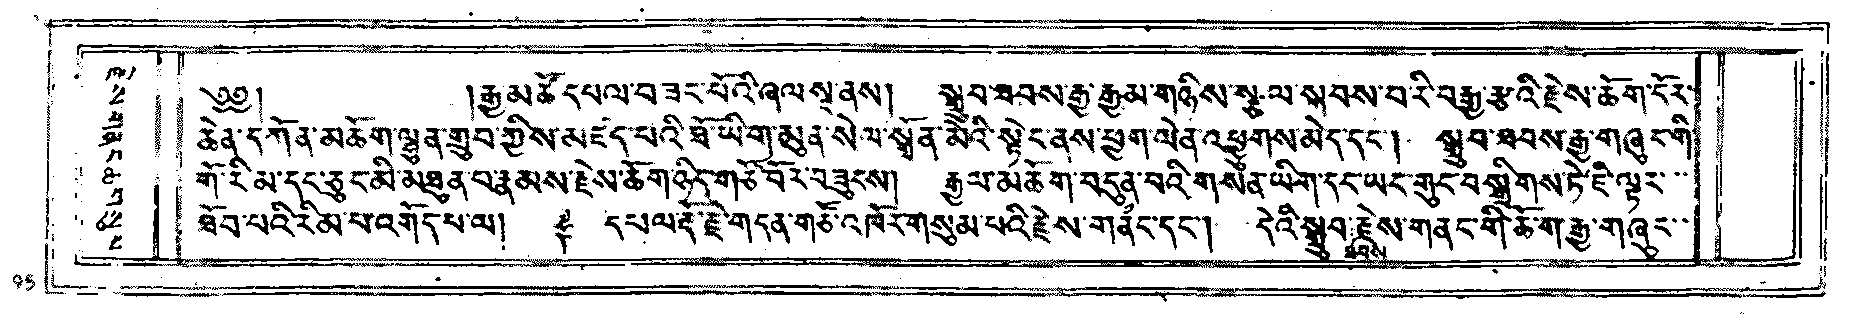༄༅། །རྒྱ་མཚོ་དཔལ་བཟང་པོའི་ཞལ་སྔ་ནས། སྒྲུབ་ཐབས་རྒྱ་རྒྱམ་གཉིས་སྩལ་སྐབས་བ་རི་བརྒྱ་རྩའི་རྗེས་ཆོག་ངོར་
ཆེན་དཀོན་མཆོག་ལྷུན་གྲུབ་ཀྱིས་མཛད་པའི་ཐོ་ཡིག་མུན་སེལ་སྒྲོན་མེའི་སྟེང་ནས་ཕྱག་ལེན་འཕྱུགས་མེད་དང་། སྒྲུབ་ཐབས་རྒྱ་གཞུང་གི་
གོ་རིམ་དང་ཅུང་མི་མཐུན་པ་རྣམས་རྗེས་ཆོག་ཉིད་གཙོ་བོར་བཟུངས། རྒྱལ་མཆོག་བདུན་པའི་གསན་ཡིག་དང་ཡང་གུང་བསྒྲིགས་ཏེ་ཇི་ལྟར་
ཐོབ་པའི་རིམ་པ་འགོད་པ་ལ། ༈ དཔལ་རྡོ་རྗེ་གདན་གཙོ་འཁོར་གསུམ་པའི་རྗེས་གནང་དང་། དེའི་སྒྲུབ་ཐབས་རྗེས་གནང་གི་ཆོ་ག་རྒྱ་གཞུང་